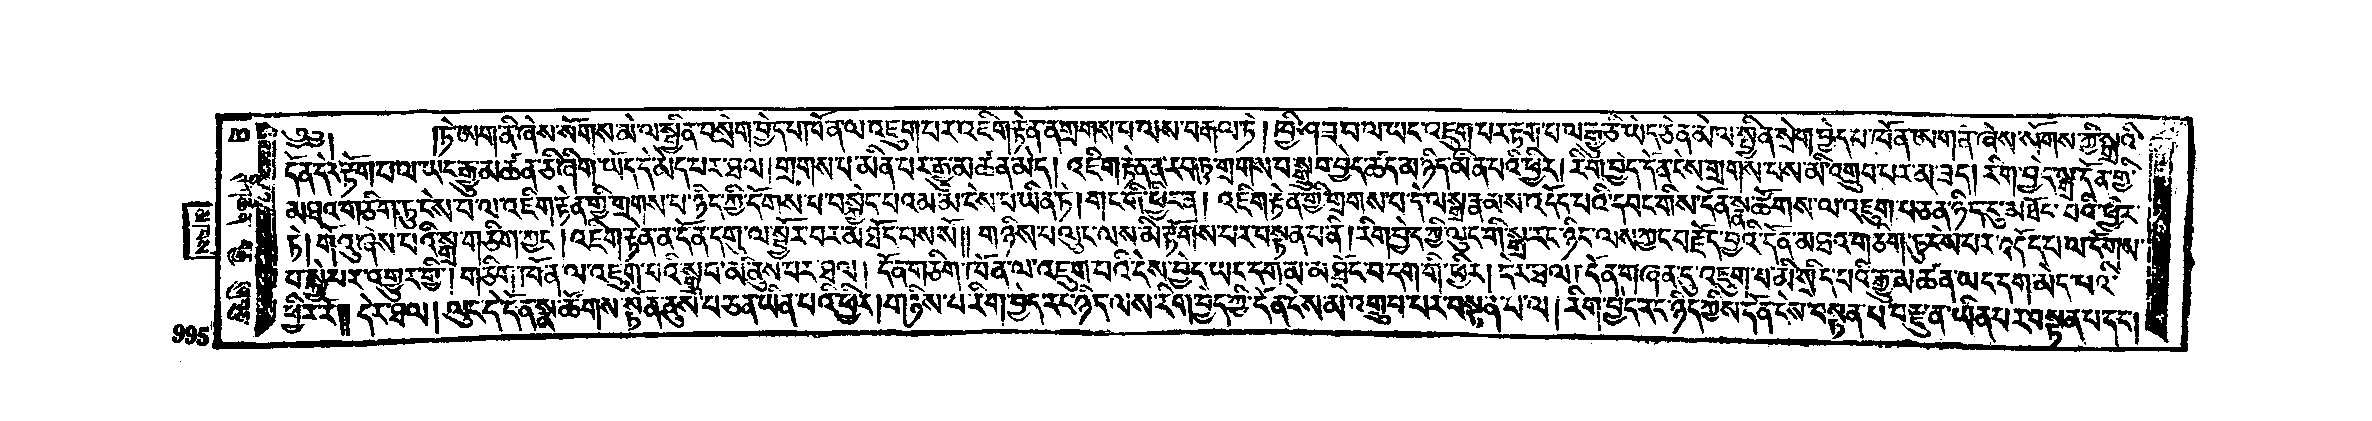༄༅། །ཏེ་ཨག་ནི་ཞེས་སོགས་མེ་ལ་སྦྱིན་བསྲེག་བྱེད་པ་ཁོ་ན་ལ་འཇུག་པར་འཇིག་རྟེན་ན་གྲགས་པ་ལས་བརྒལ་ཏེ། ཁྱི་ཤ་ཟ་བ་ལ་ཡང་འཇུག་པར་རྟག་པ་ལ་རྒྱུ་ཅི་ཡེད་ཅེན་མེ་ལ་སྦྱིན་སྲེག་བྱེད་པ་ཁོ་ན་ཨག་ནི་ཞེས་སོགས་ཀྱི་སྒྲའི་
དོན་དེར་རྟོག་པ་ལ་ཡང་རྒྱུ་མཚན་ཅི་ཞིག་ཡོད་དེ་མེད་པར་ཐལ། གྲགས་པ་མིན་པར་རྒྱུ་མཚན་མེད། འཇིག་རྟེན་ན་རབ་ཏུ་གྲགས་པ་སྒྲུབ་བྱེད་ཚད་མ་ཉིད་མིན་པའི་ཕྱིར། རིག་བྱེད་དོན་ངེས་གྲགས་པས་མི་འགྲུབ་པར་མ་ཟད། རིག་བྱེད་སྒྲ་དོན་གྱི་
མཐའ་གཅིག་ཏུ་ངེས་པ་ལ་འཇིག་རྟེན་གྱི་གྲགས་པ་ཉིད་ཀྱི་དོགས་པ་བསྐྱེད་པའམ་མ་ངེས་པ་ཡིན་ཏེ། གང་གི་ཕྱིར་ན། འཇིག་རྟེན་གྱི་གྲགས་པ་དེ་ལ་སྒྲ་རྣམས་འདོད་པའི་དབང་གིས་དོན་སྣ་ཚོགས་ལ་འཇུག་པ་ཅན་ཉིད་དུ་མཐོང་བའི་ཕྱིར་
ཏེ། གོའུ་ཞེས་པའི་སྒྲ་གཅིག་ཀྱང་། འཇིག་རྟེན་ན་དོན་དགུ་ལ་སྦྱོར་བར་མཐོང་བས་སོ། །གཉིས་པ་ལུང་ལས་མི་རྟོགས་པར་བསྟན་པ་ནི། རིག་བྱེད་ཀྱི་ལུང་གི་སྒྲ་རང་ཉིད་ལས་ཀྱང་བརྗོད་བྱའི་དོན་མཐའ་གཅིག་ཏུ་ངེས་པར་འདོད་པ་ལ་དོགས་
པ་སྐྱེ་པར་འགྱུར་གྱི། གཅིག་ཁོ་ན་ལ་འཇུག་པའི་སྒྲུབ་མི་ནུས་པར་ཐལ། དོན་གཅིག་ཁོ་ན་ལ་འཇུག་པའི་ངེས་བྱེད་ཡང་དག་མ་མཐོང་བ་དག་གི་ཕྱིར། དེར་ཐལ། དོན་གཞན་དུ་འཇུག་པ་མི་སྲིད་པའི་རྒྱུ་མཚན་ཡང་དག་མེད་པའི་
ཕྱིར་རོ། །དེར་ཐལ། ལུང་དེ་དོན་སྣ་ཚོགས་སྟོན་ནུས་པ་ཅན་ཡིན་པའི་ཕྱིར། གཉིས་པ་རིག་བྱེད་རང་ཉིད་ལས་རིག་བྱེད་ཀྱི་དོན་ངེས་མི་འགྲུབ་པར་བསྟན་པ་ལ། རིག་བྱེད་རང་ཉིད་ཀྱིས་དོན་ངེས་བསྟན་པ་བརྫུན་ཡིན་པར་བསྟན་པ་དང་།